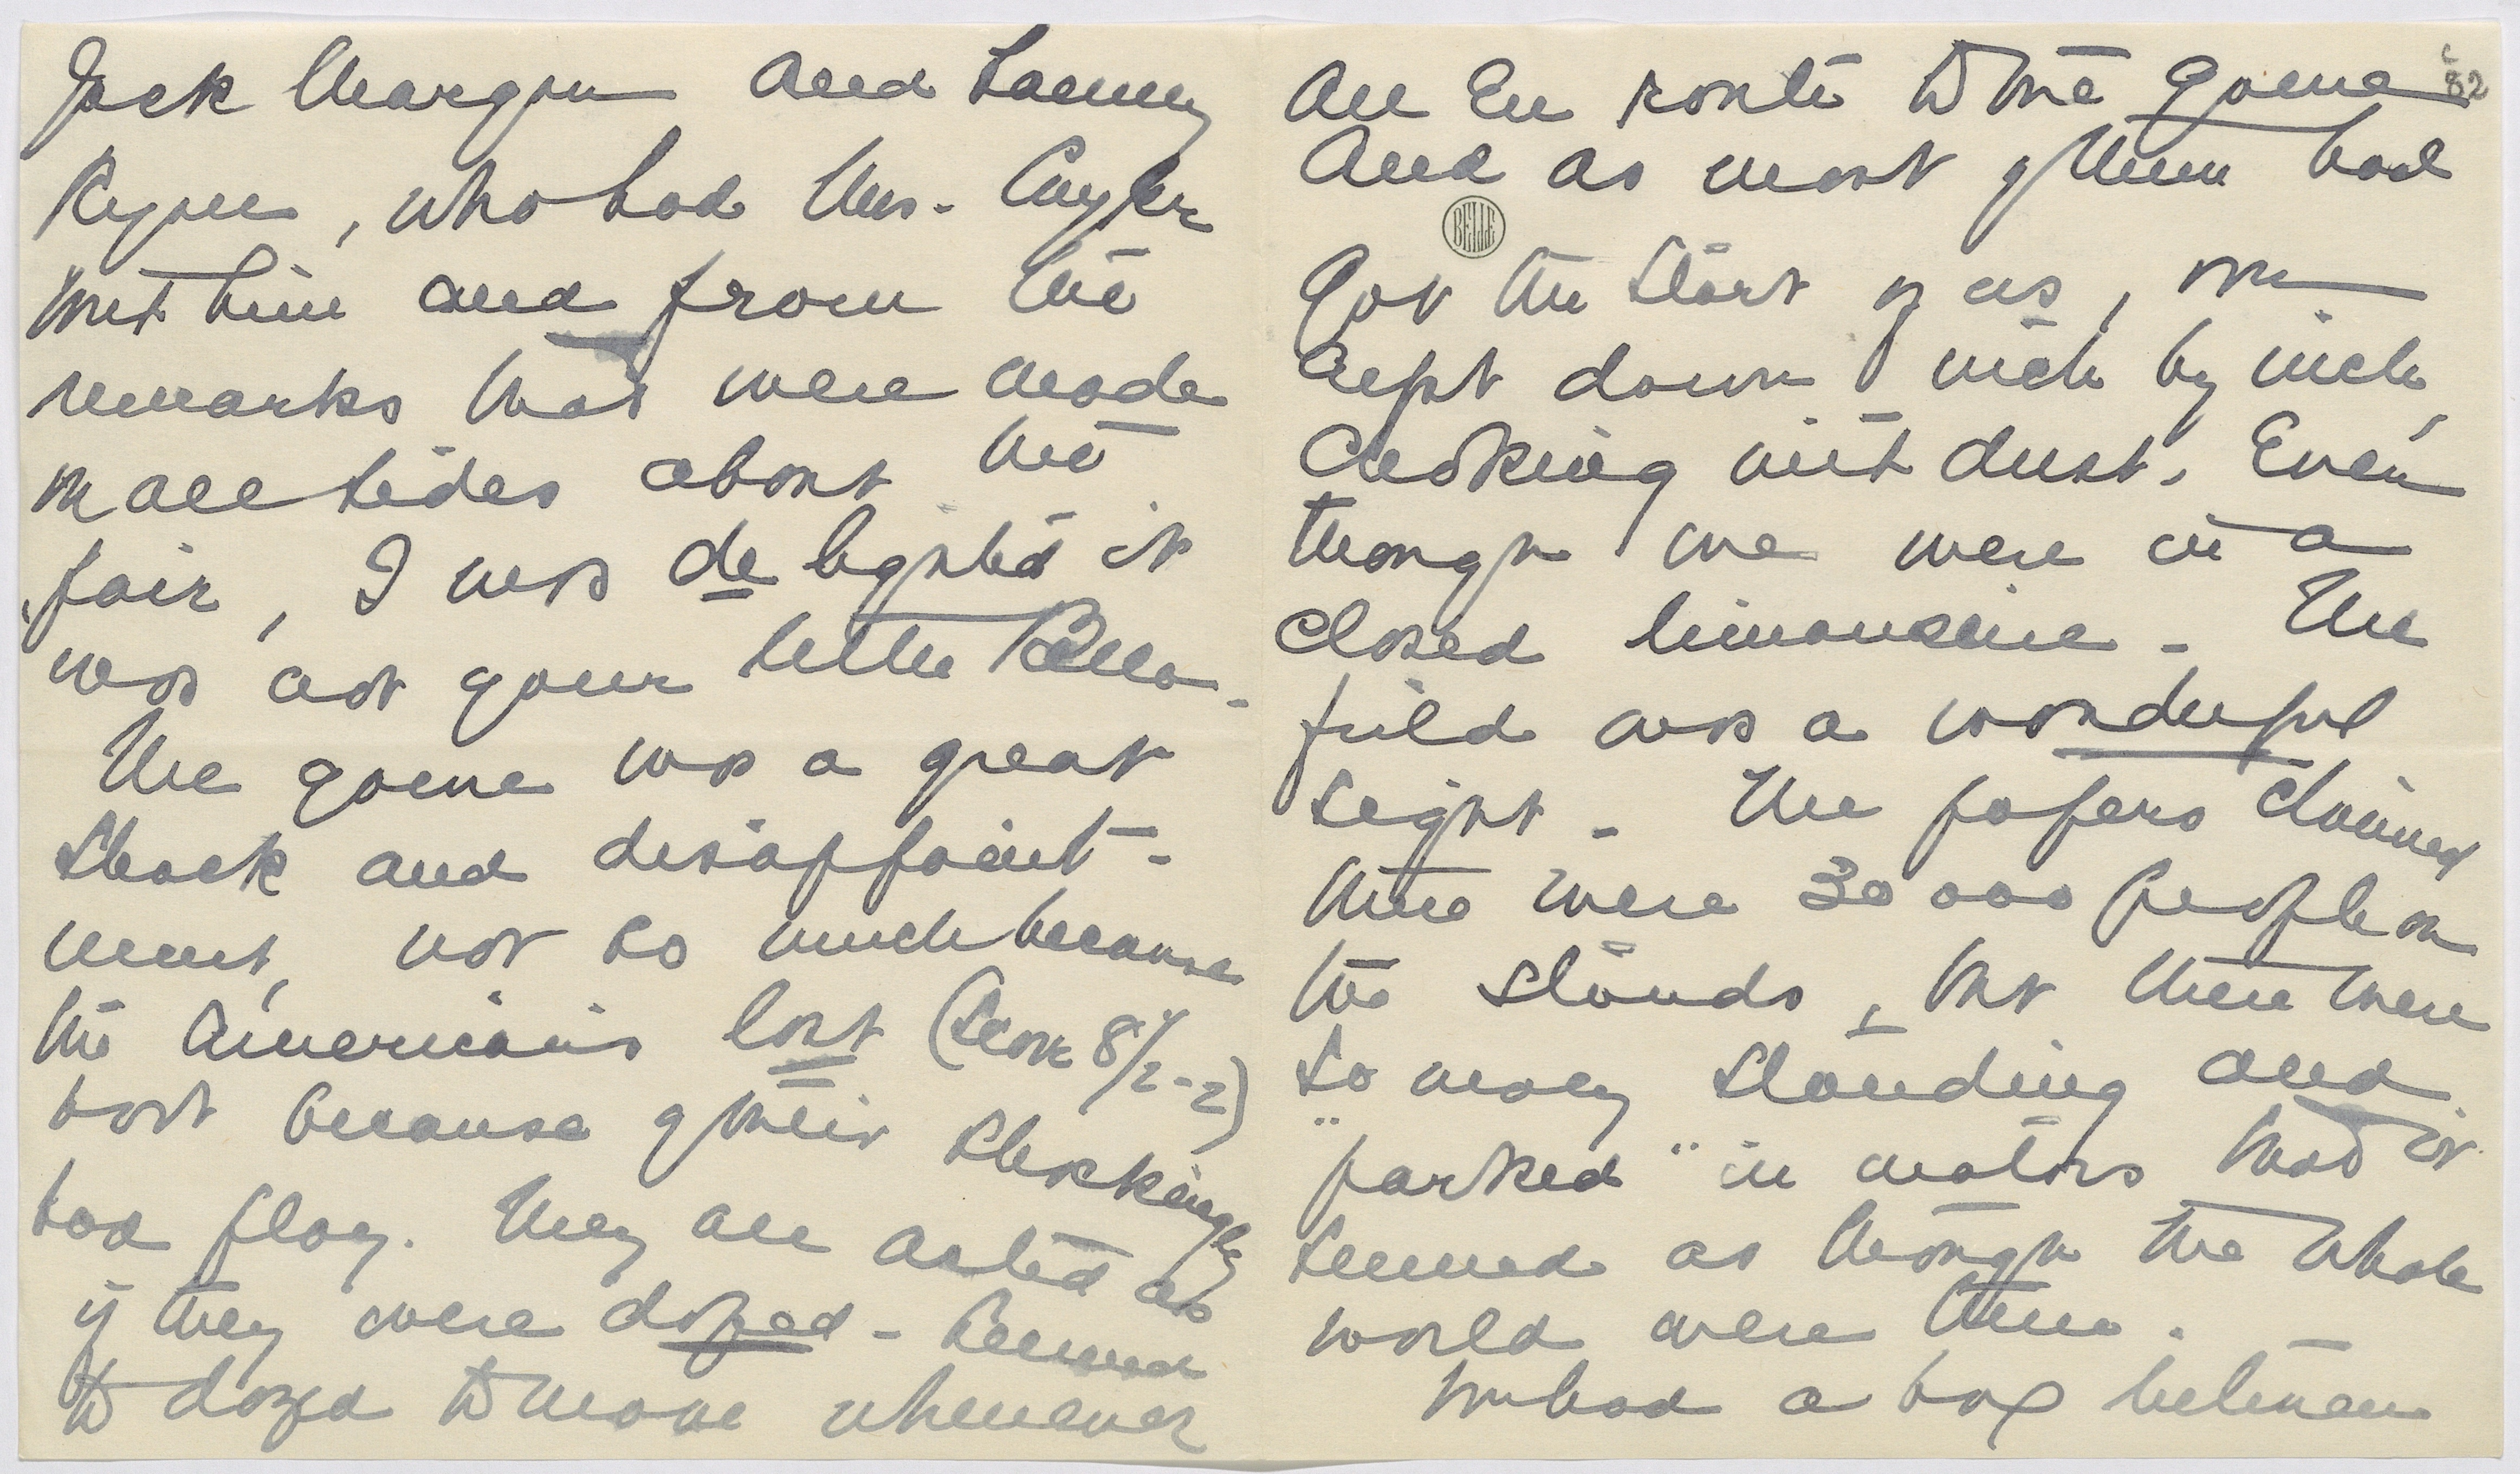all en route to the game and as most of them had got the start of us, we crept down inch by inch, choking with dust, even though we were in a closed limousine – The field was a wonderful sight – The papers claimed there were 30000 people on the stands, but there were so many standing and “parked” in motors that it seemed as though the whole world were there.
We had a box between
Jack Morgan and Sammy Ryan, who had Mrs. Taylor with him and from the remarks that were made on all sides about the fair, I was delighted it was not your letter Bello. The game was a great shock and disappointment, not so much because the American’s [double underlined: lost] (score 8 ½ - 2) but because of their shockingly bad play. They all acted as if they were doped – seemed to [sic] dazed to move wherever